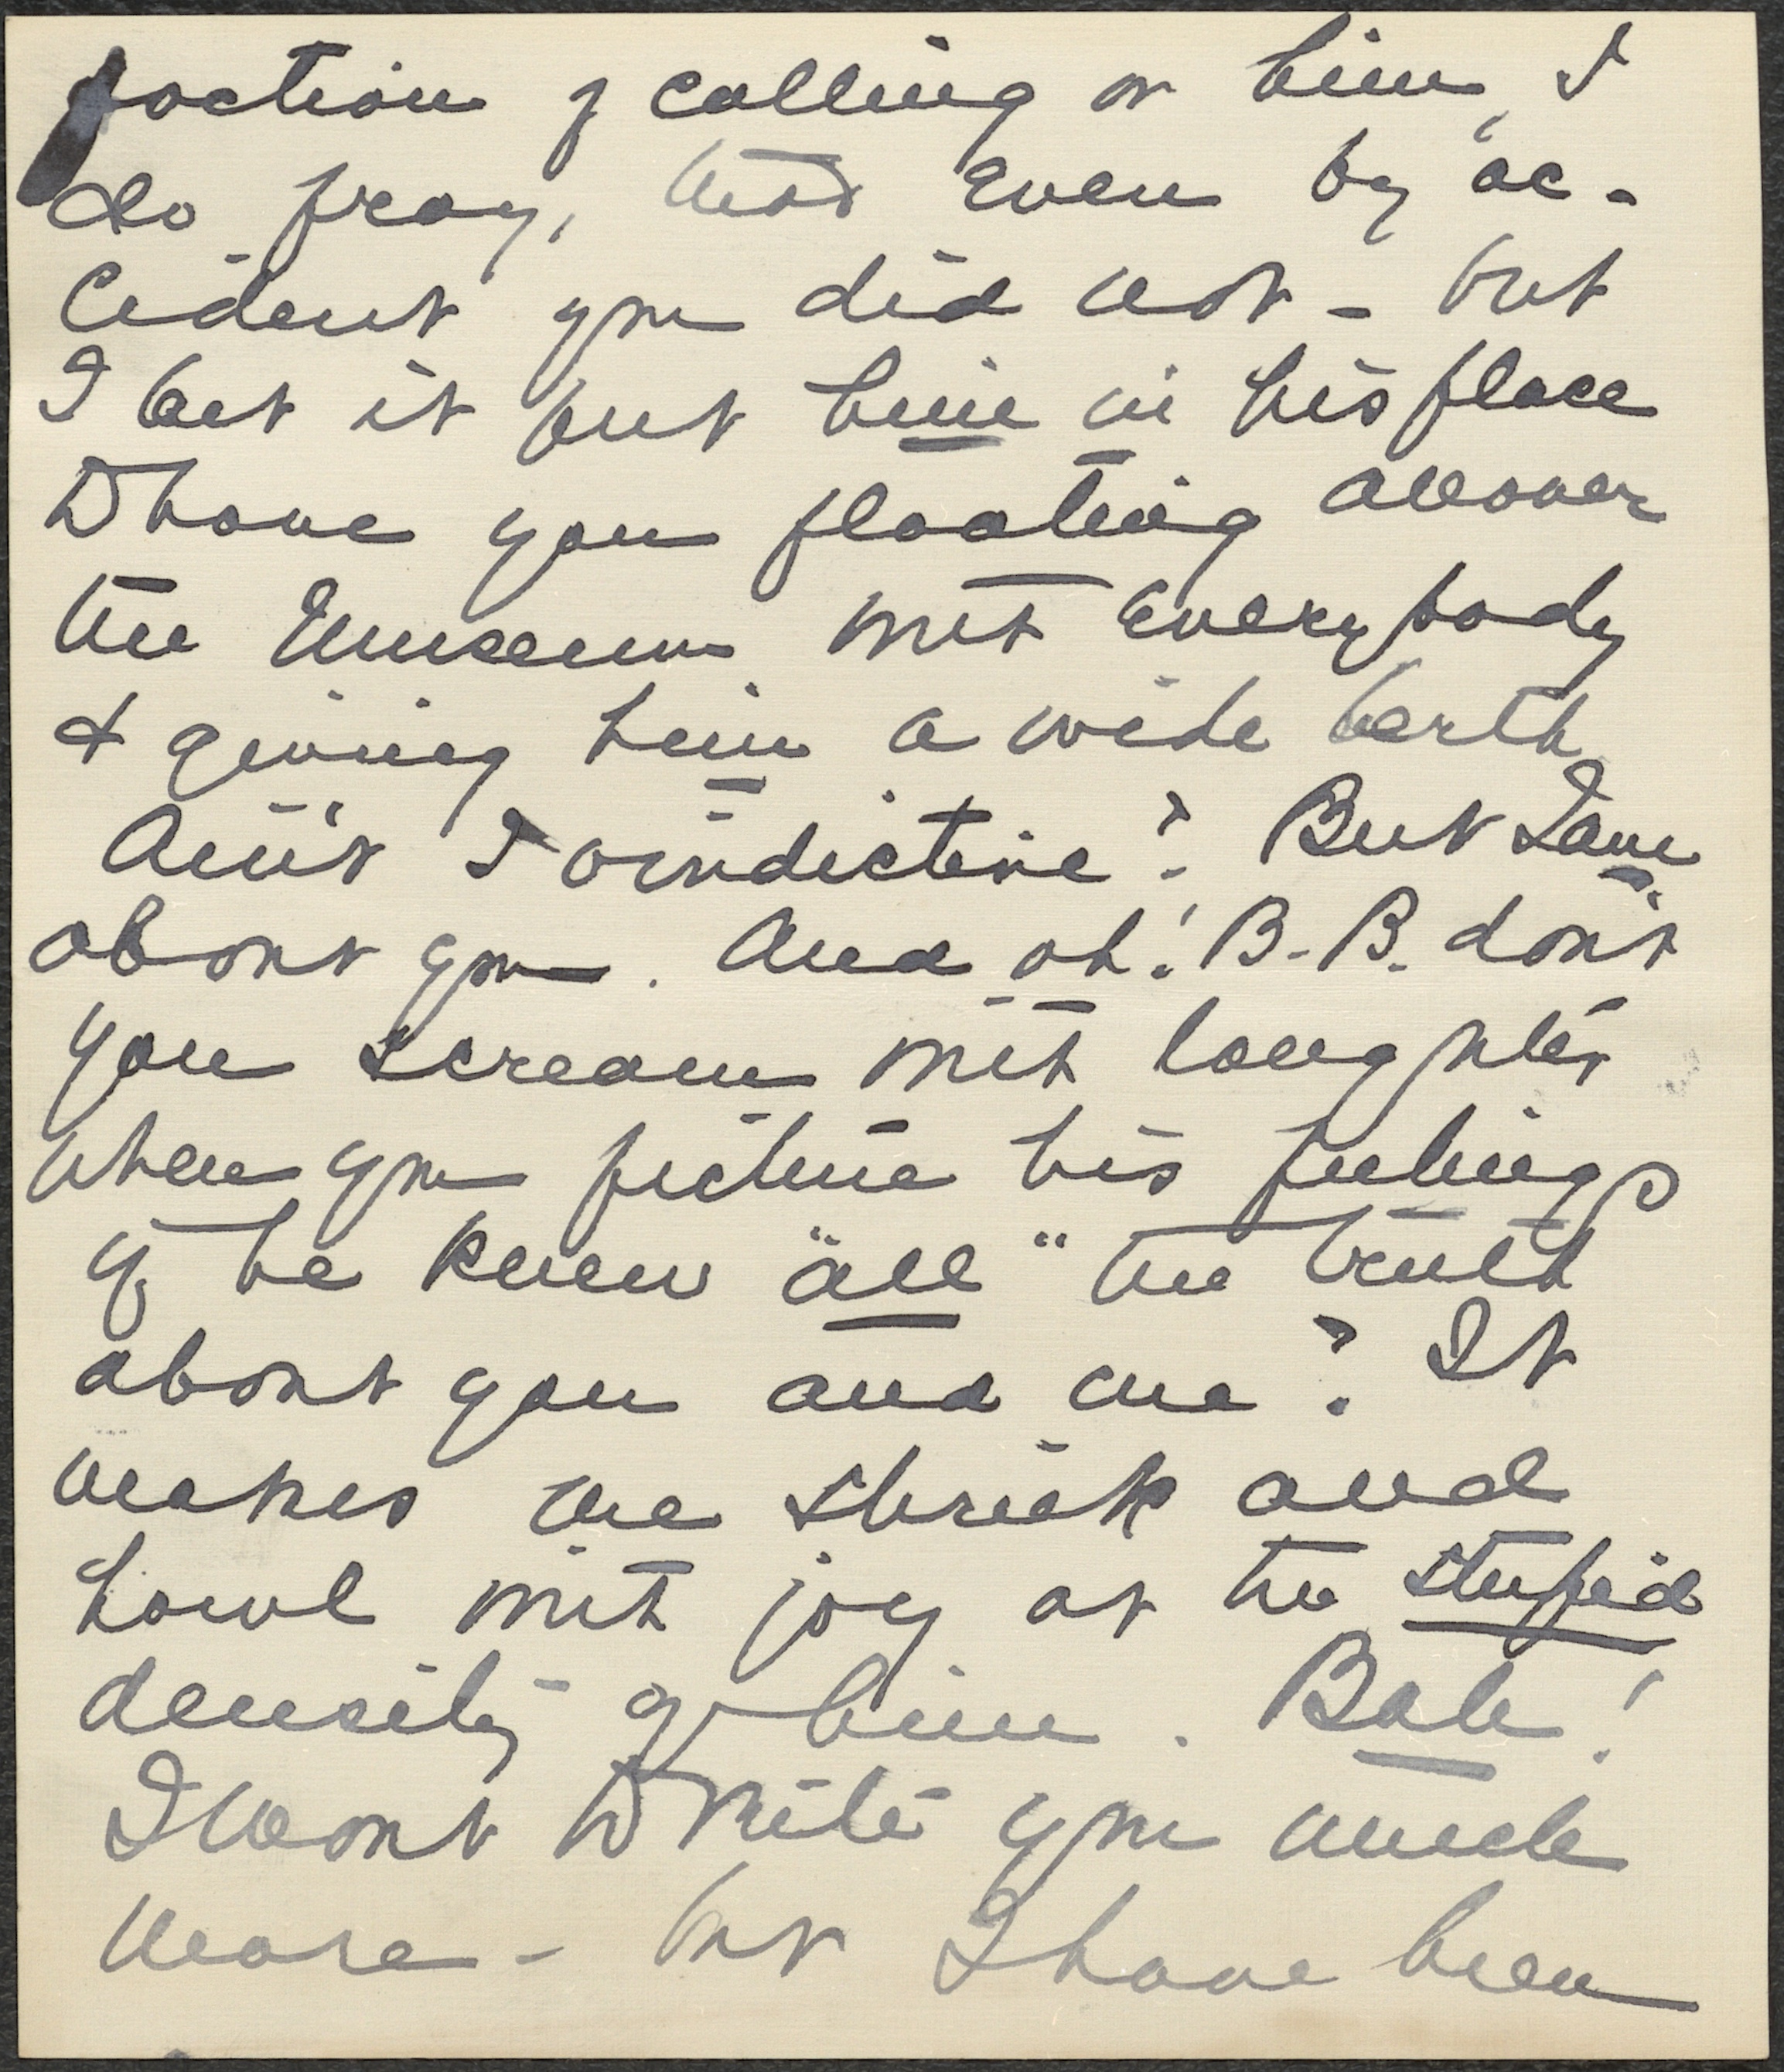of calling on him I do pray, that even by accident you did not – but I bet it put him in his place to have you floating all over the Museum with everybody & giving him a wide berth.
Ain’t I vindictive? But I am about you. And oh! B. B. don’t you scream with laughter when you picture his feelings if he knew “all” the truth about you and me? It makes me shriek and howl with joy at the stupid density of him. Bah! I want to write you much more – but I have been